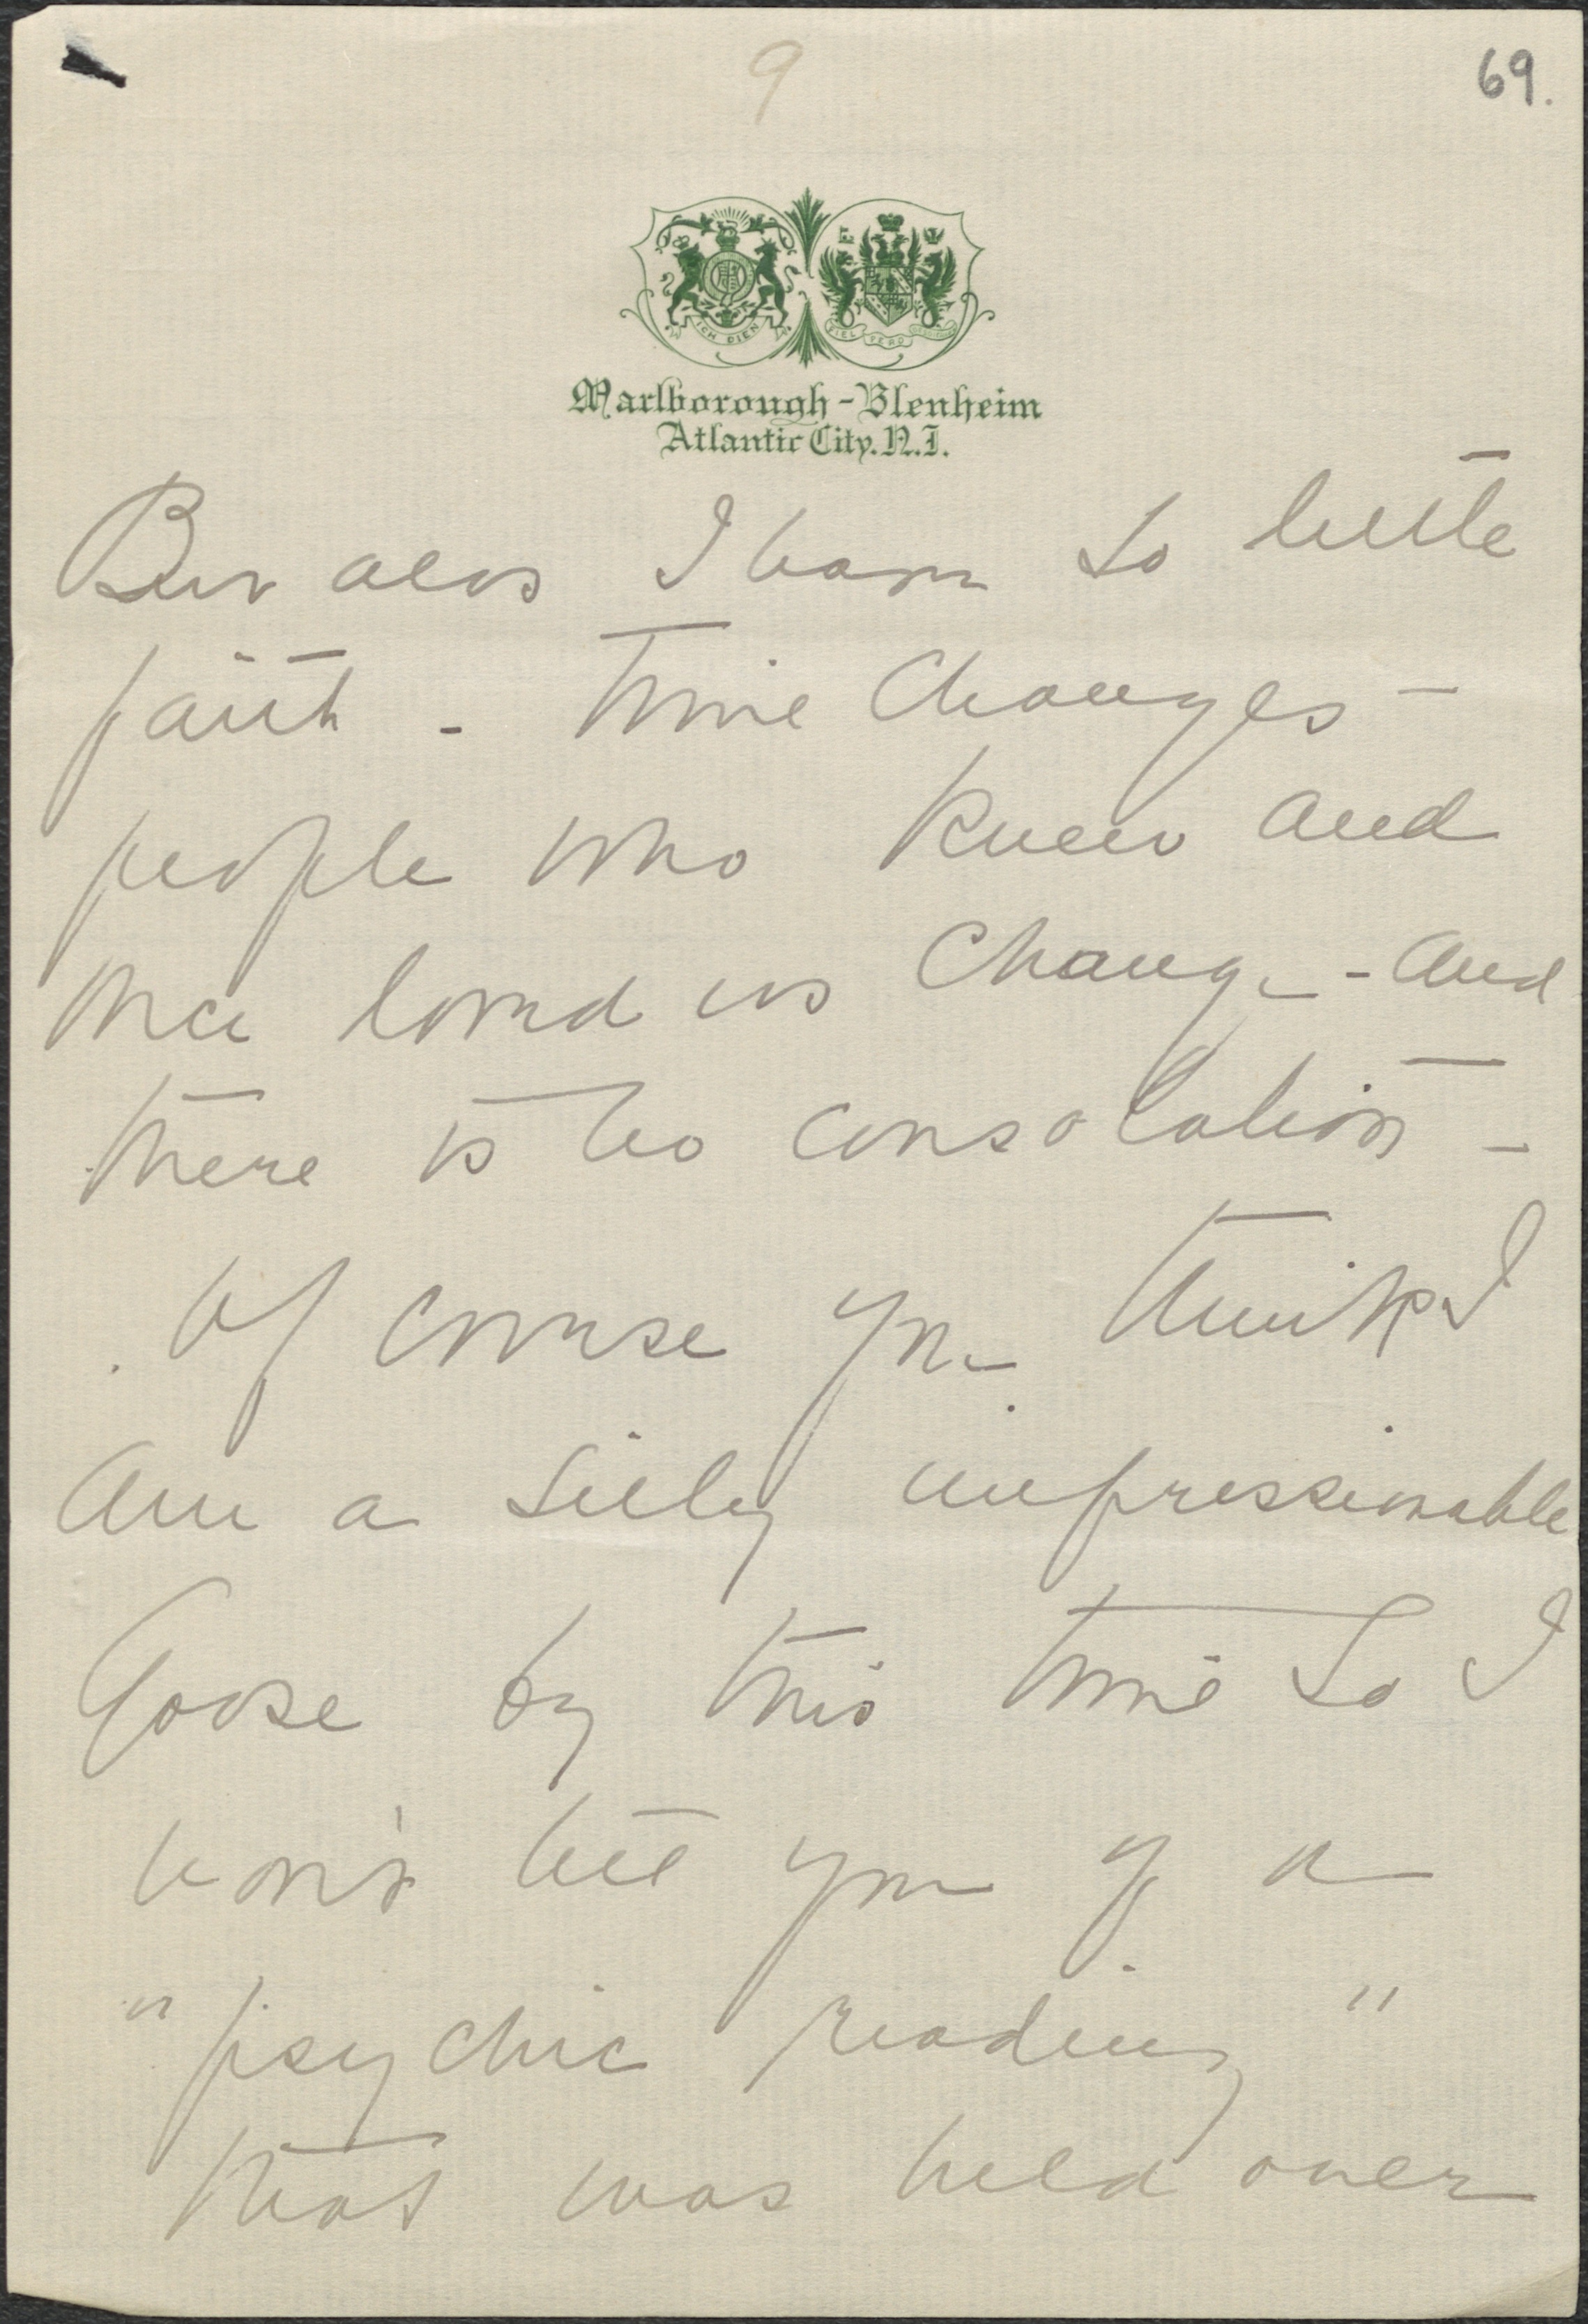9
But alas I have so little faith – time changes – people who knew and once loved us change – and there is no consolation – Of course you think I am a silly impressionable Goose by this time so I won’t tell you of a “psychic reading” that was held over